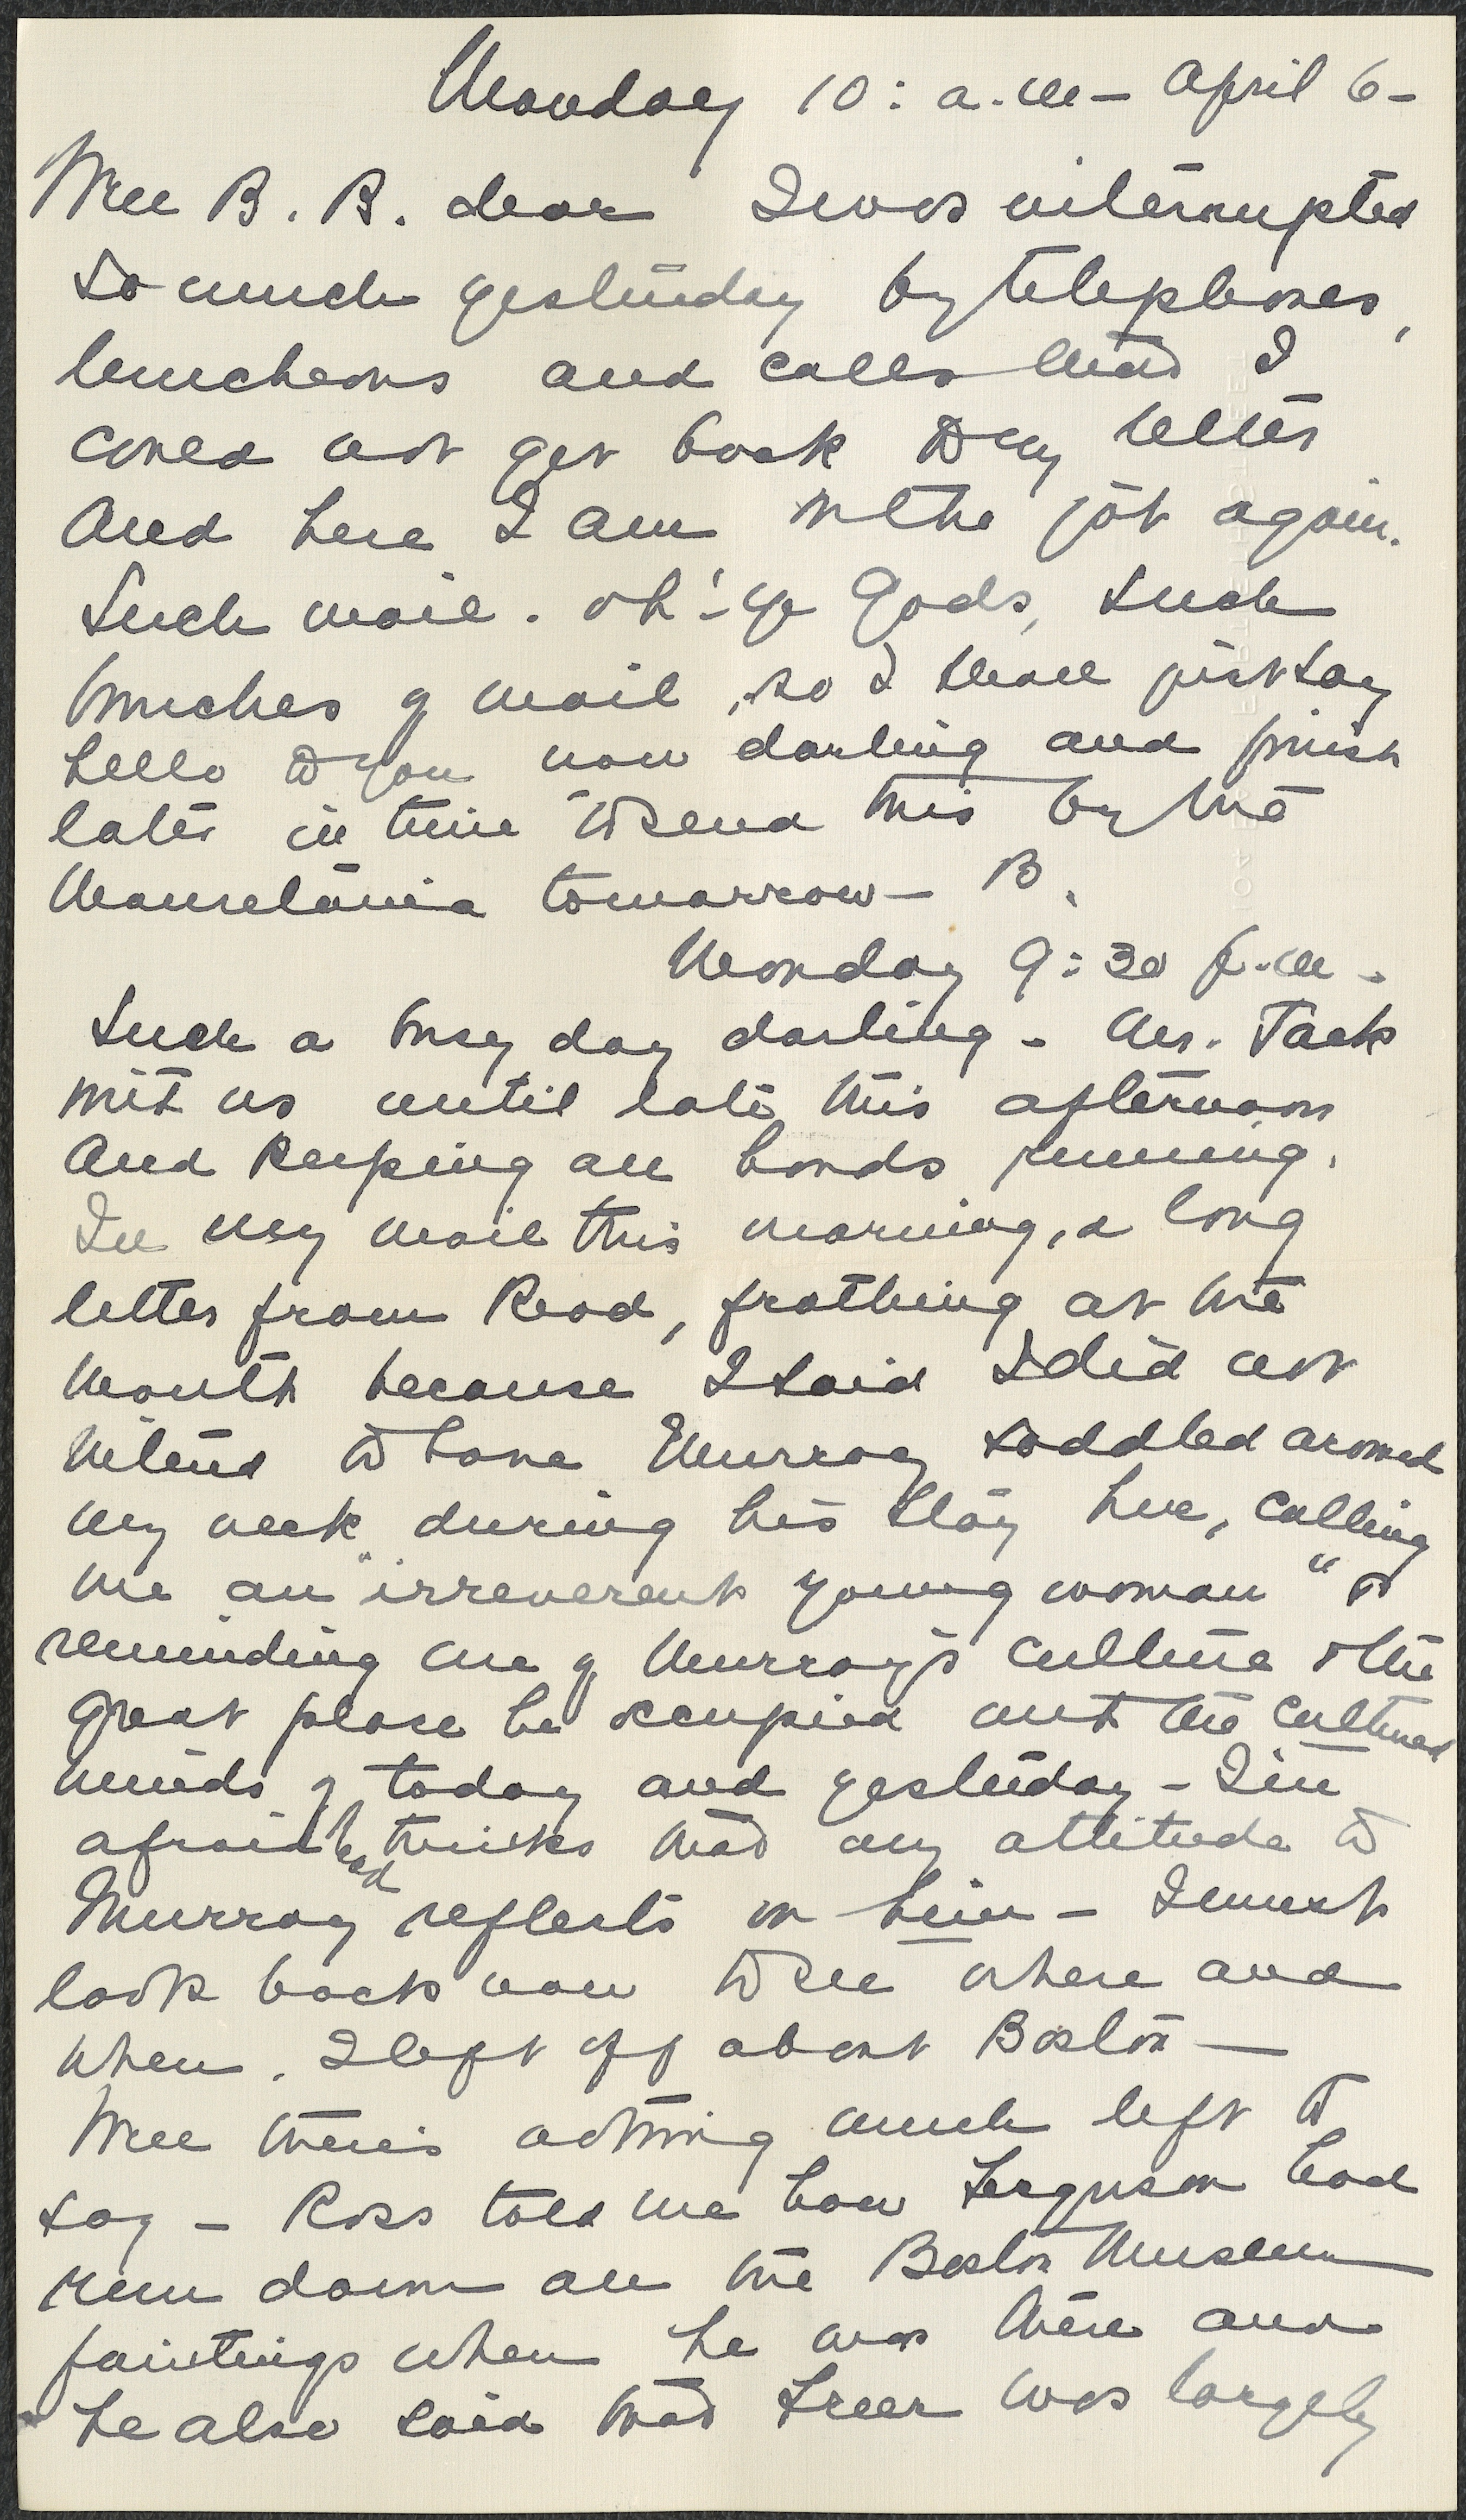Monday 10: a.m – April 6 –
Well B.B. dear I was interrupted so much yesterday by telephones, luncheons and calls that I could not get back to my letter and here I am on the job again. Such mail. oh! ye Gods, such bunches of mail, so I shall just say hello to you now darling and finish later in time to send this by the Mauretania tomorrow –B.
Monday 9:30 p.m. –
Such a busy day darling – Mr. Jack with us until late this afternoon and keeping all hands running. In my mail this morning, a long letter from Read, frothing at the mouth because I said I did not intend to have Murray saddled around my neck during his stay here, calling me an “irreverent young woman” & reminding me of Murray’s culture & the great place he occupied with the cultured minds of today and yesterday – I’m afraid Read things that my attitude to Murray reflects on him – I must look back now to see where and when I left off about Boston –
Well there’s nothing much left to say – Ross told me how Ferguson had run down all the Boston Museum paintings when he was there and he also said that Freer was largely